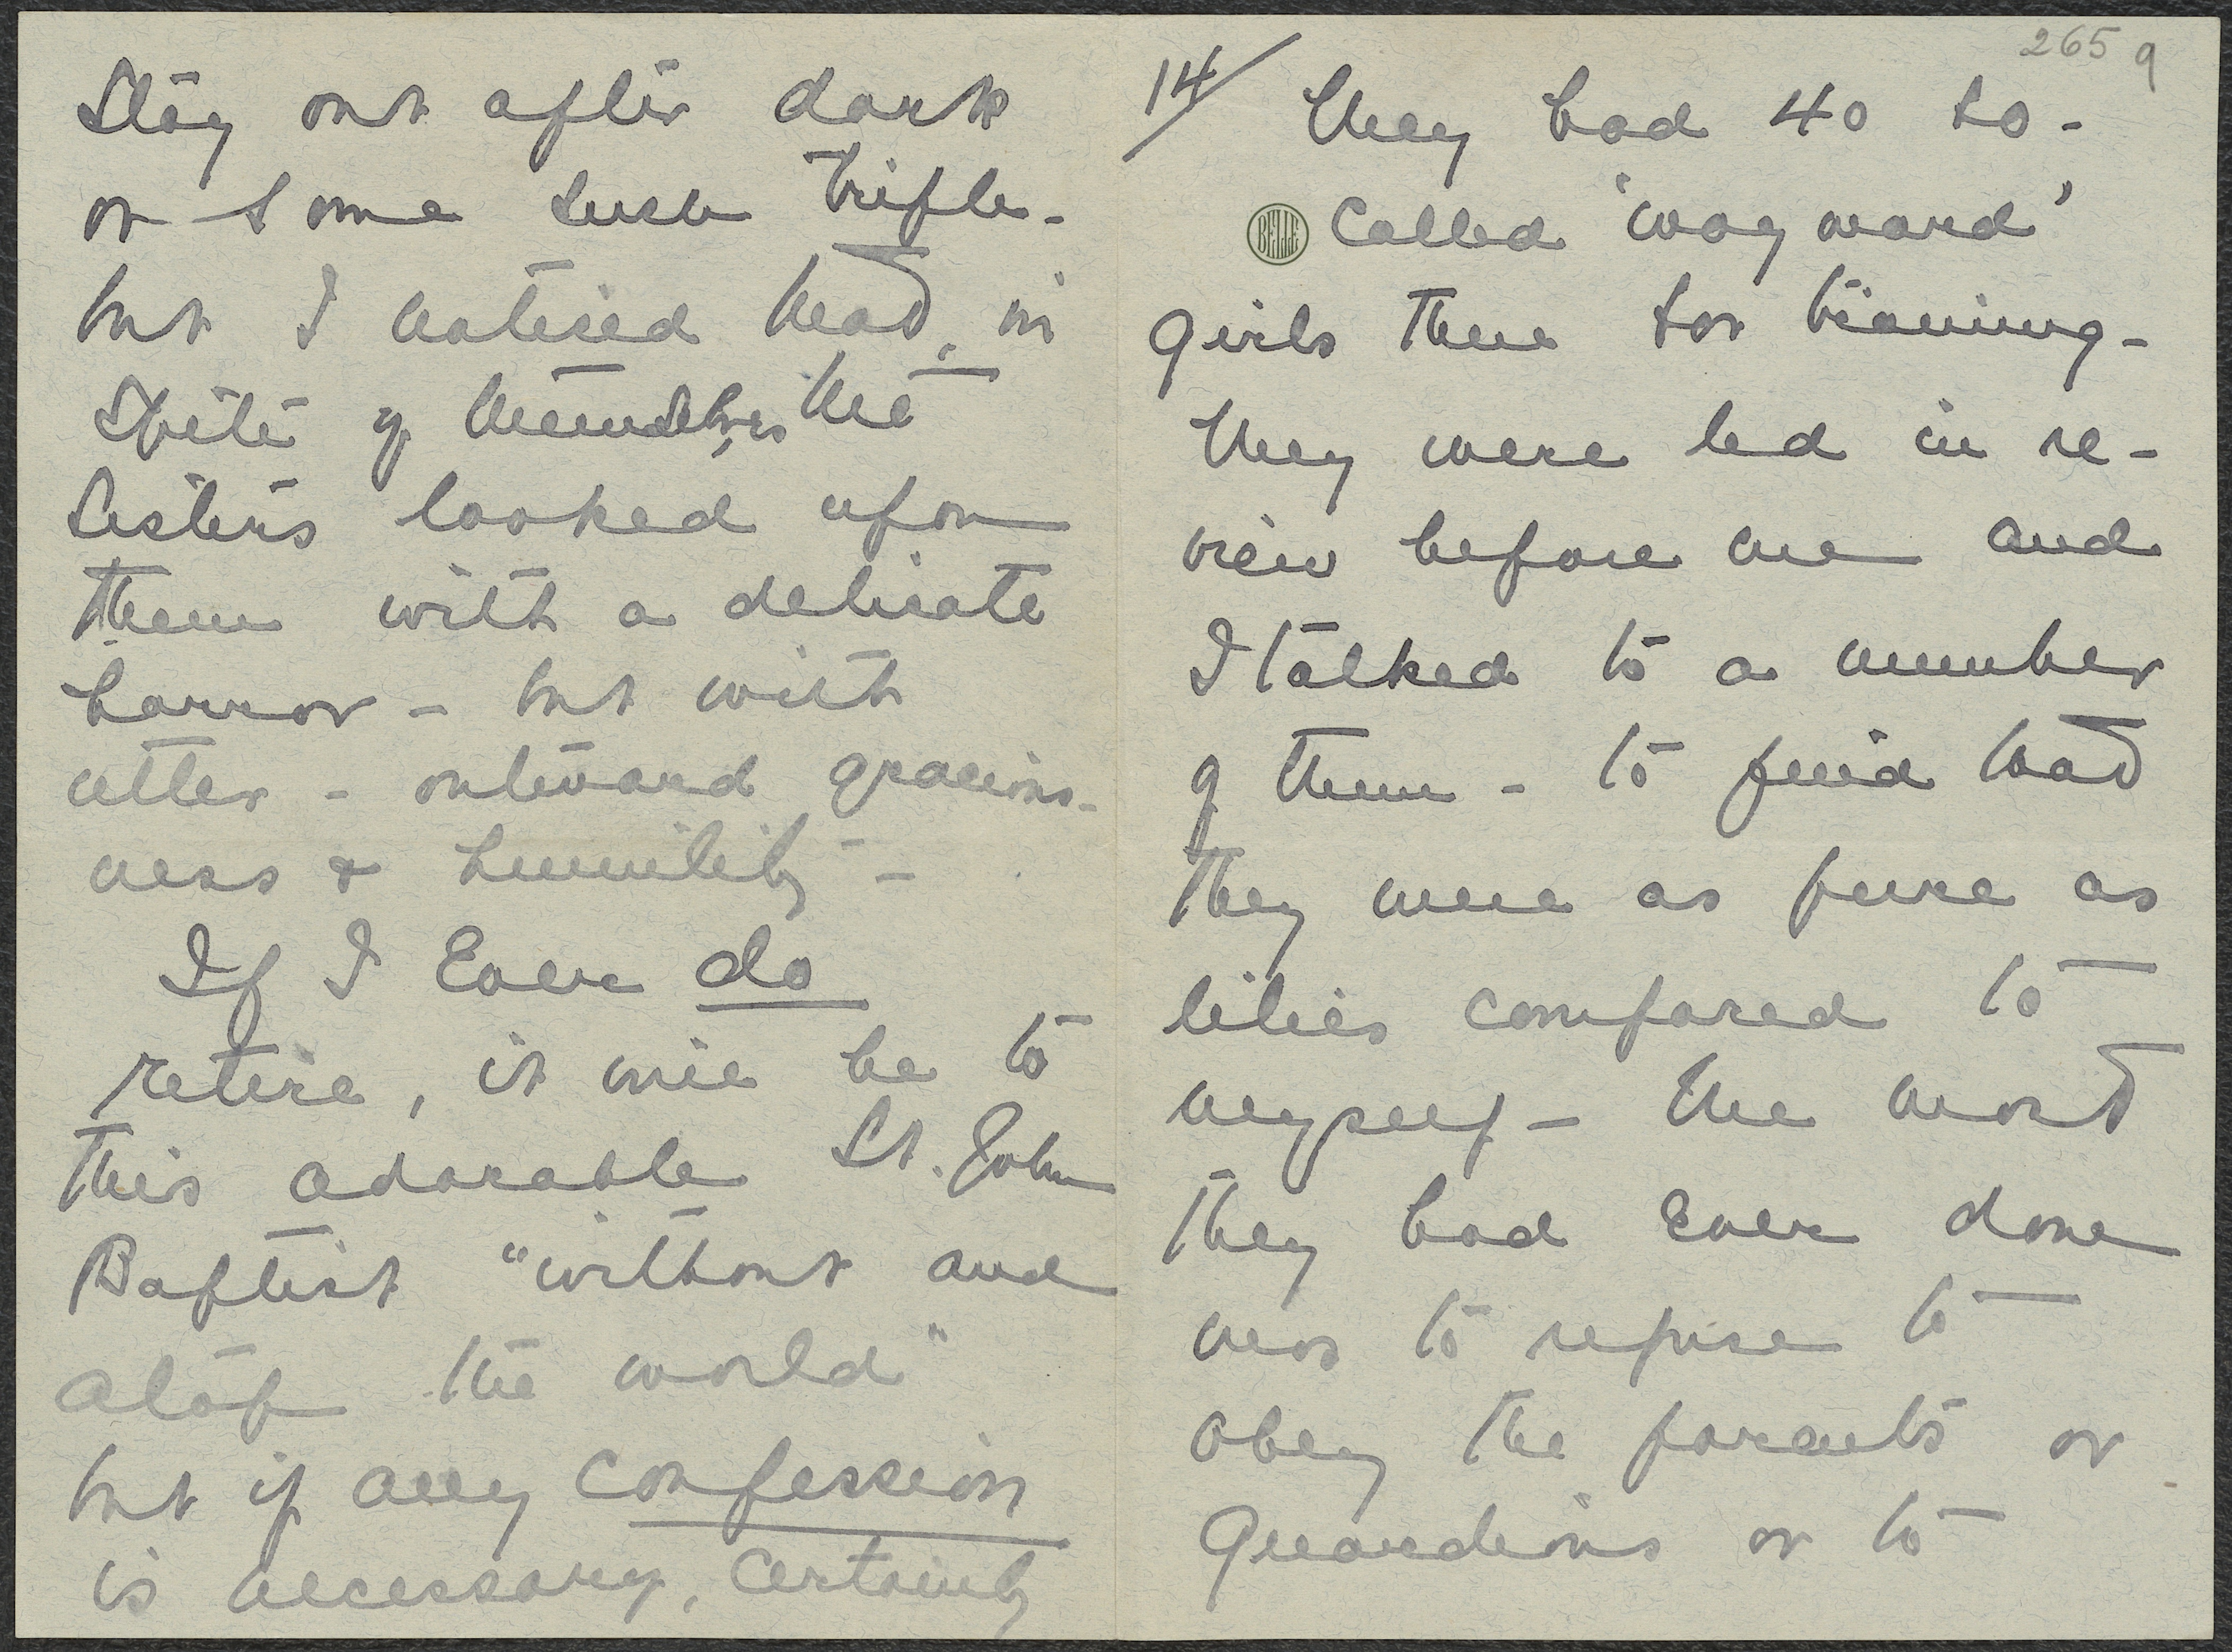14/
They had 40 so-called “wayward” girls there for training – they were led in review before me and I talked to a number of them – to find that they were as pure as lilies compared to myself – The most they had ever done was to refuse to obey the parents or guardians or to
stay out after dark or some such trifle – but I noticed that, in spite of themselves, the sisters looked upon them with a delicate horror – but with utter – outward graciousness & humility –
If I Ever do retire, it will be to this adorable St. John Baptist “without and atop the world” but if any confession is necessary, certainly